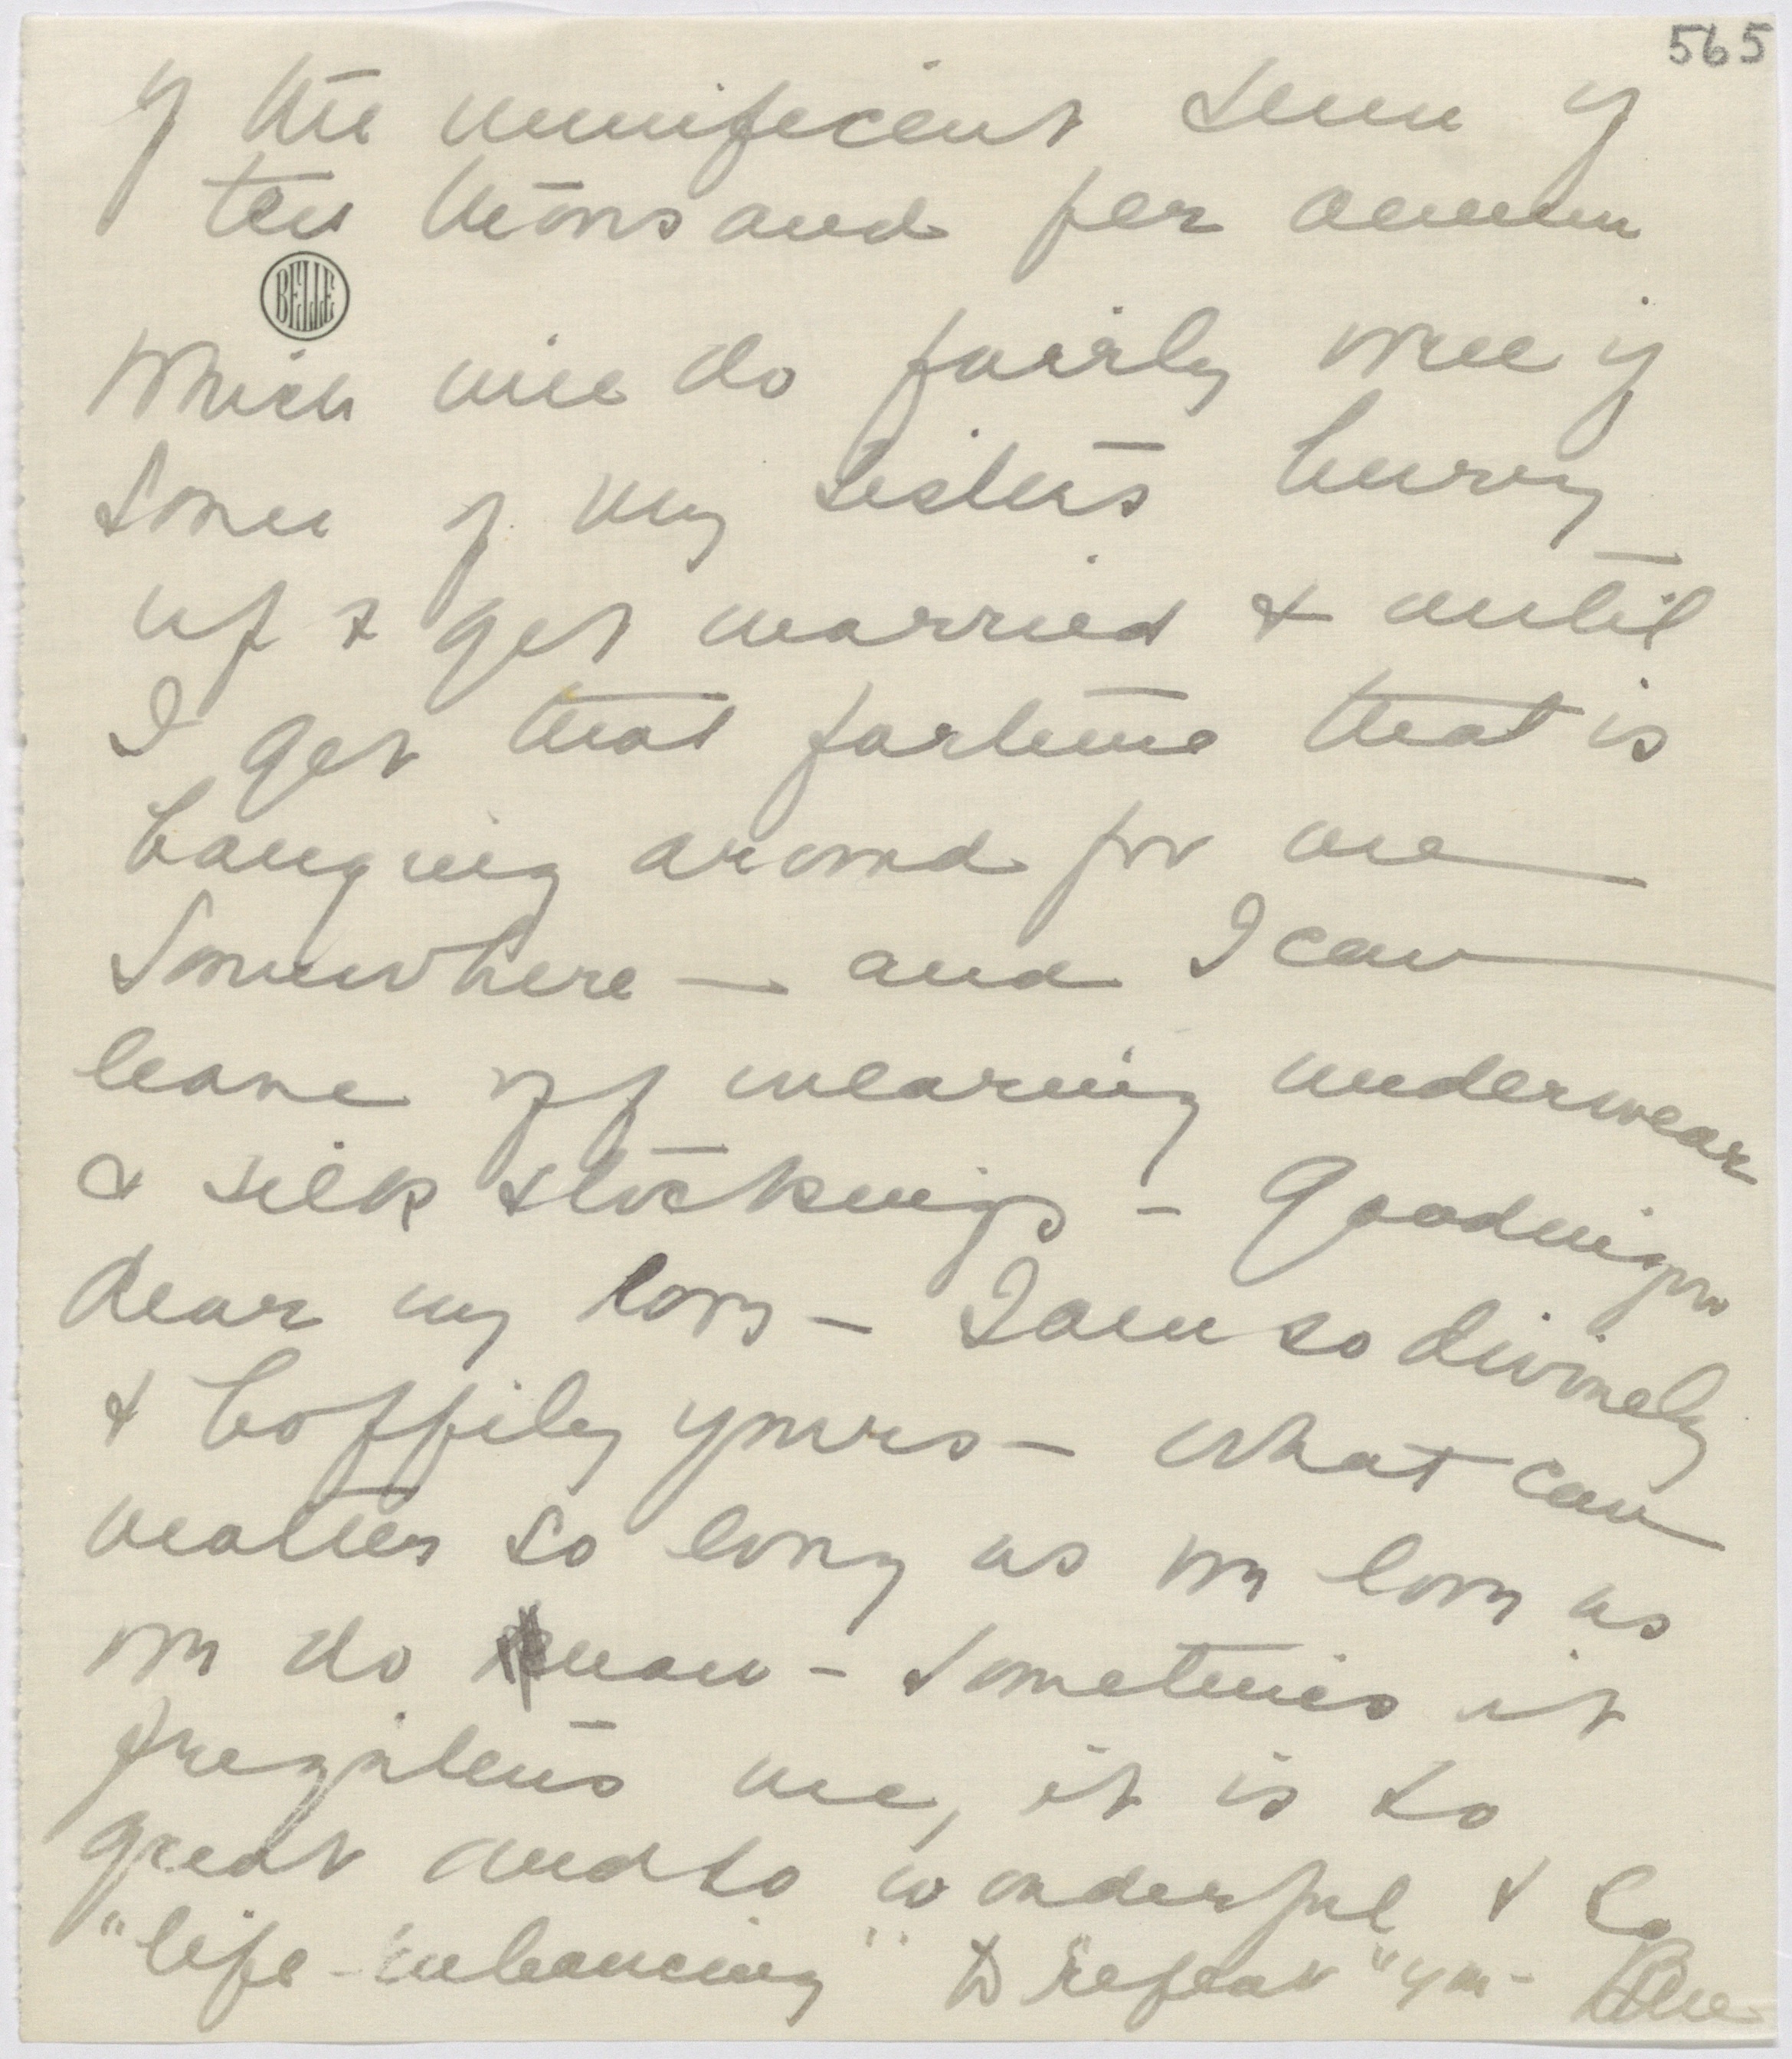of the munificent sum of ten thousand per annum which will do fairly well if some of my sisters hurry up & get married & until I get that fortune that is hanging around for me somewhere – and I can leave off wearing underwear & silk stockings – Goodnight dear my love – I am so divinely & happily yours – what can matter so long as we love as we do know – sometimes it frightens me, it is so great and so wonderful & so “life-enhancing” to “repeat” you – Belle